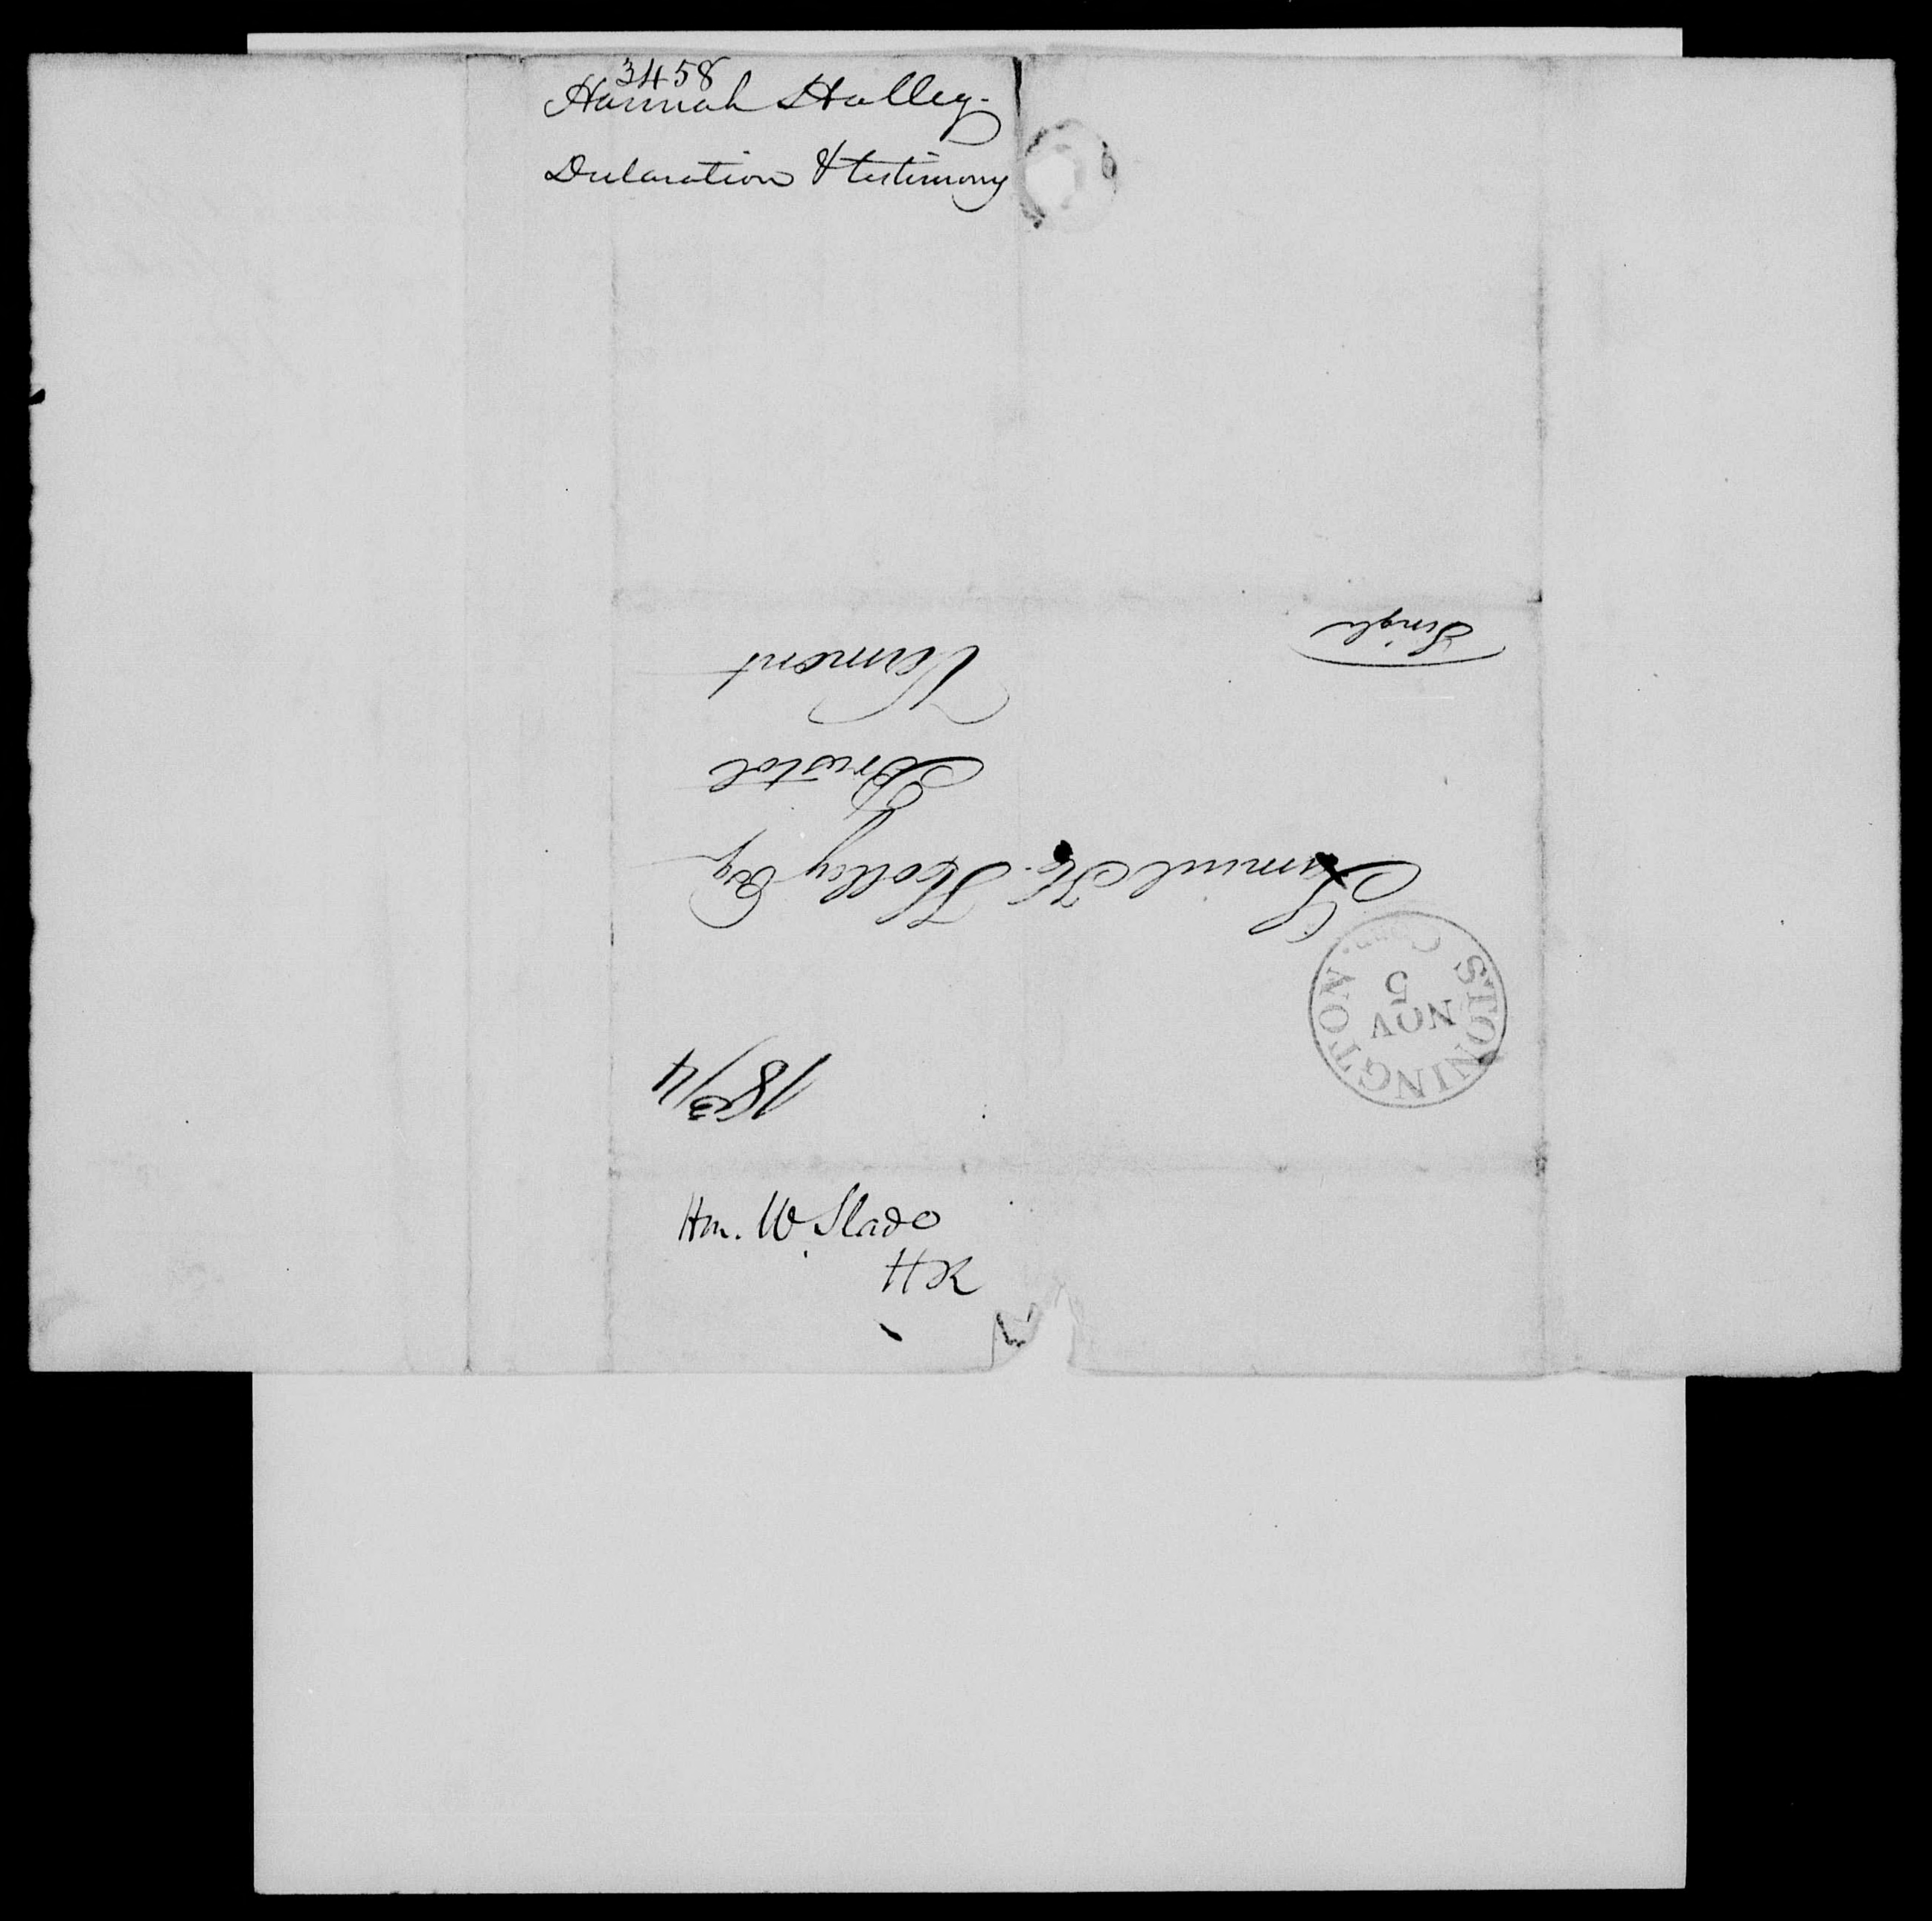Hannah Holley
Declaration & testimony
Hon. W Slade
H R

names: Samuel H Holley, Hannah Halley, W Slade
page: 58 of 62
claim: widow's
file: W. 21391, Robert Holley, Conn.